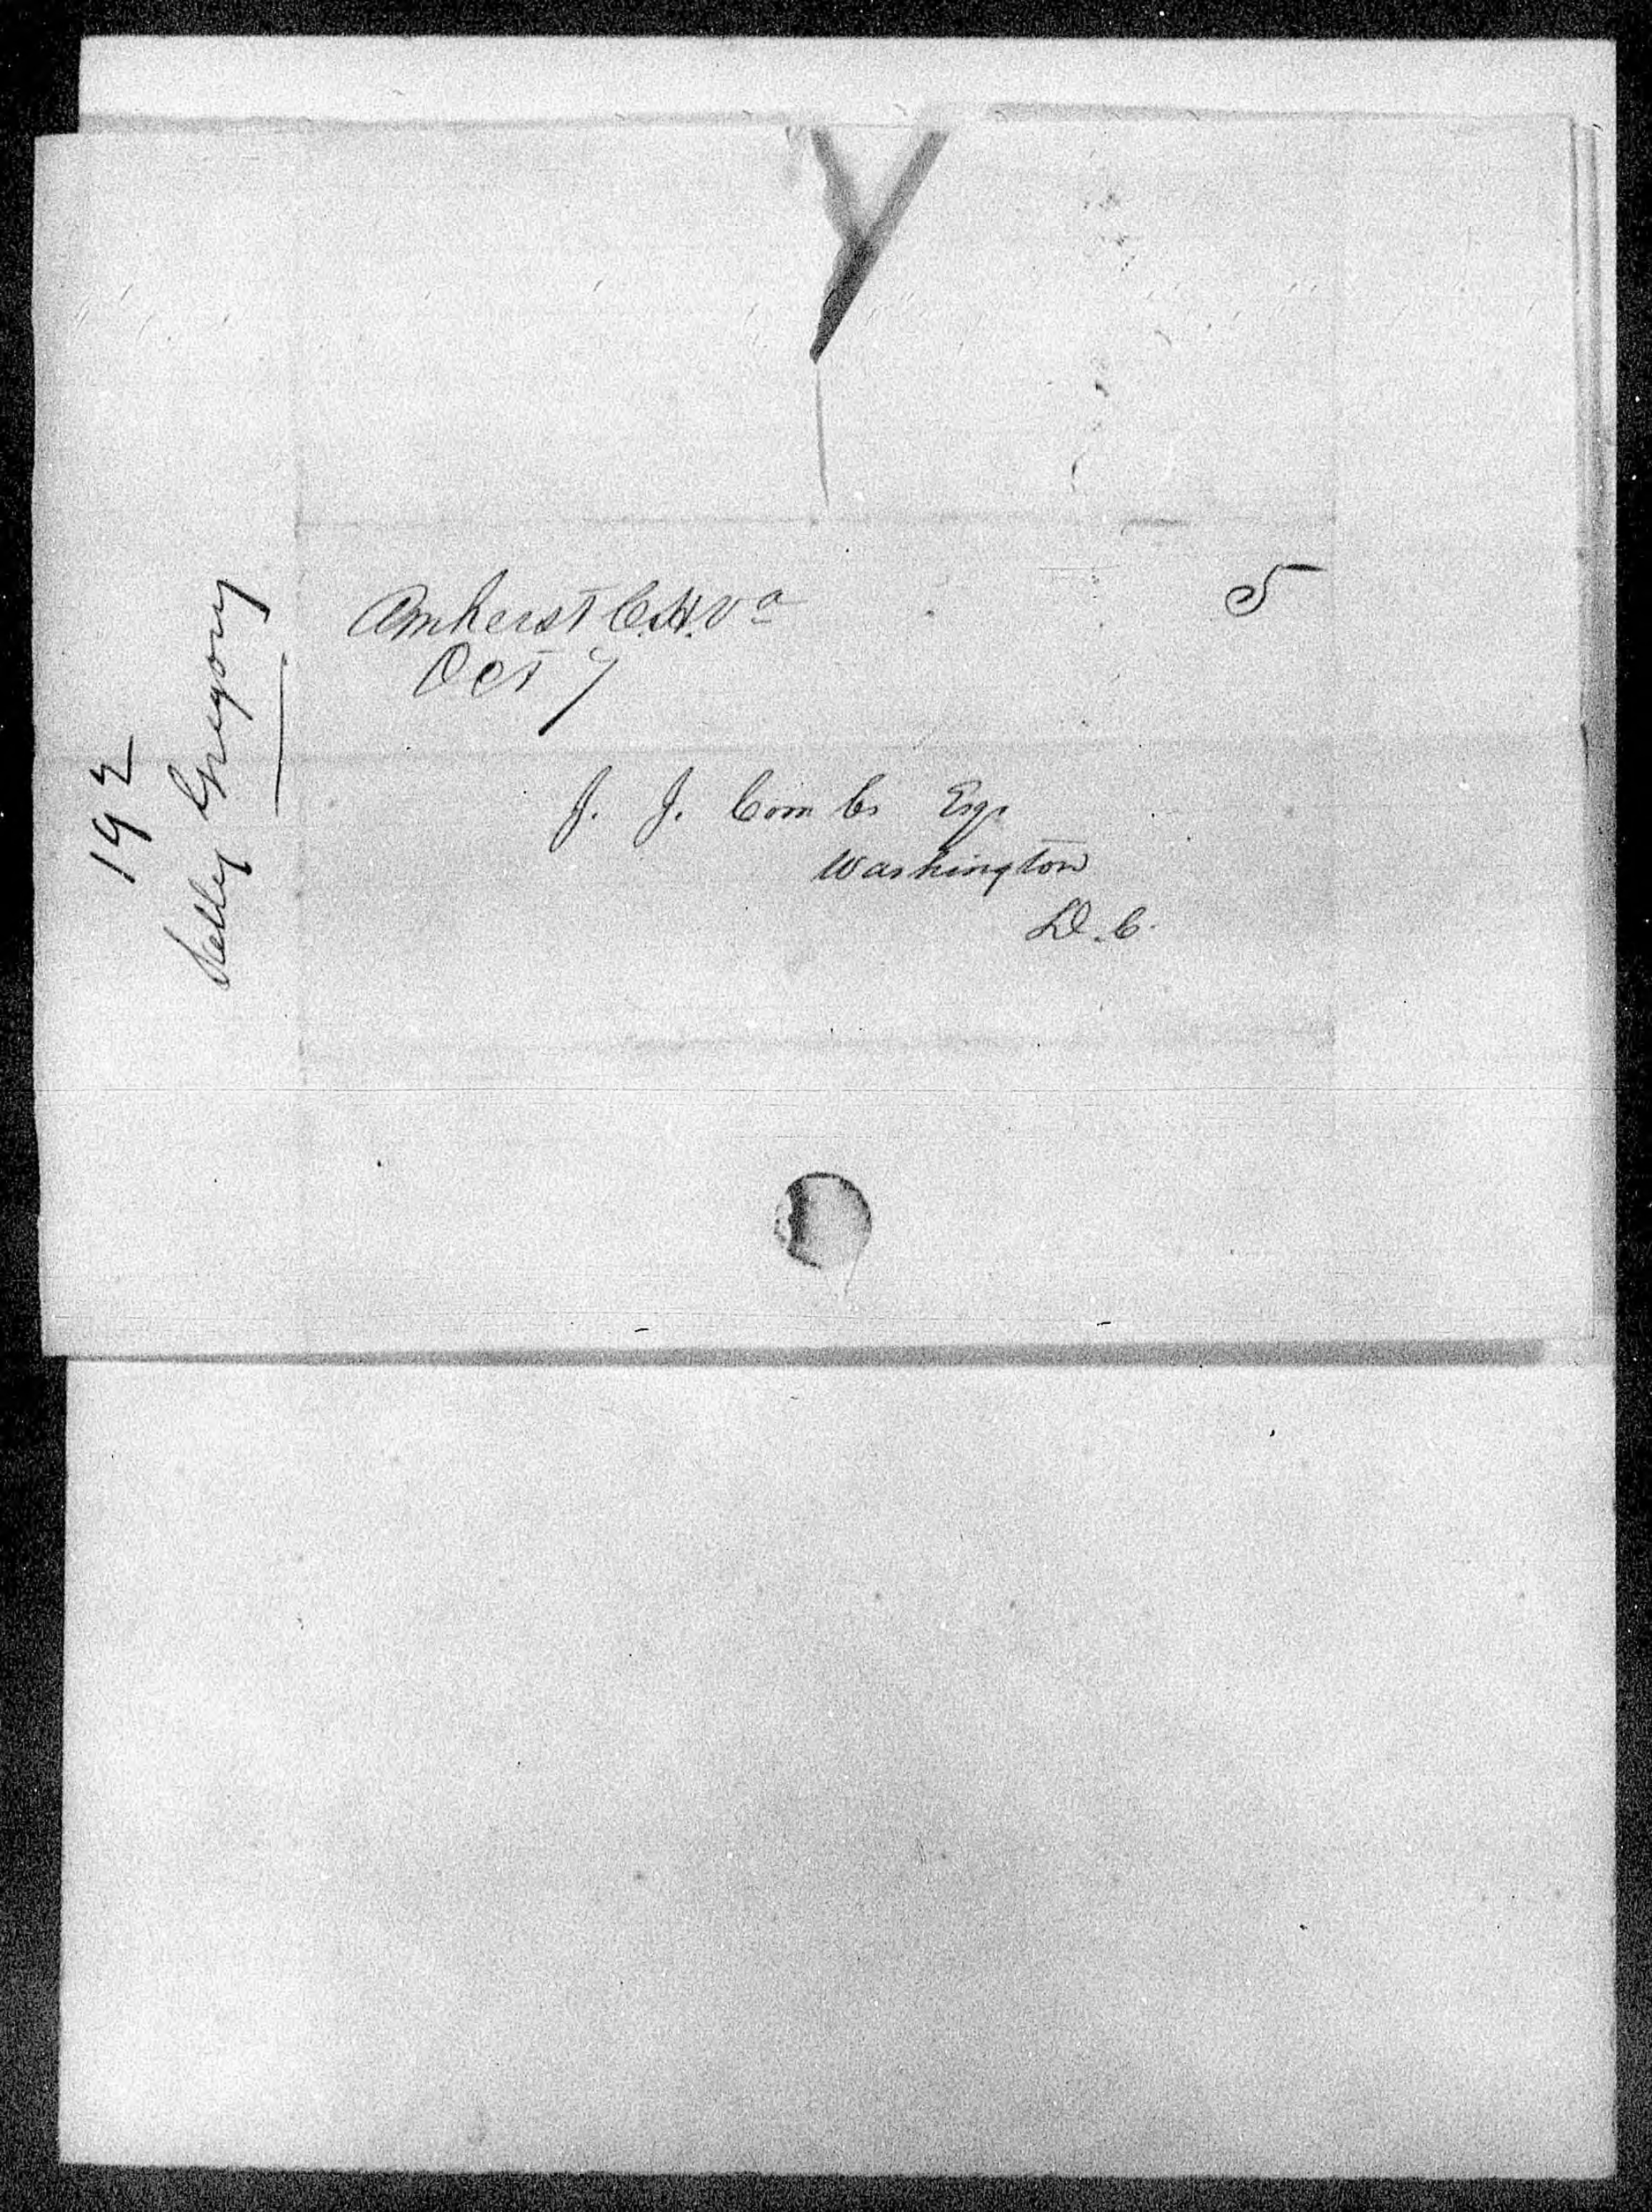Amherst C.H. Va
Oct 7

J. J. Combs Esqr
Washington 
D.C.

[vertically:  192 Sally Gregory]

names: Sally Gregory, J J Combs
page: 44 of 75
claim: widow's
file: W. 8876, Thomas Gregory, Continental Va